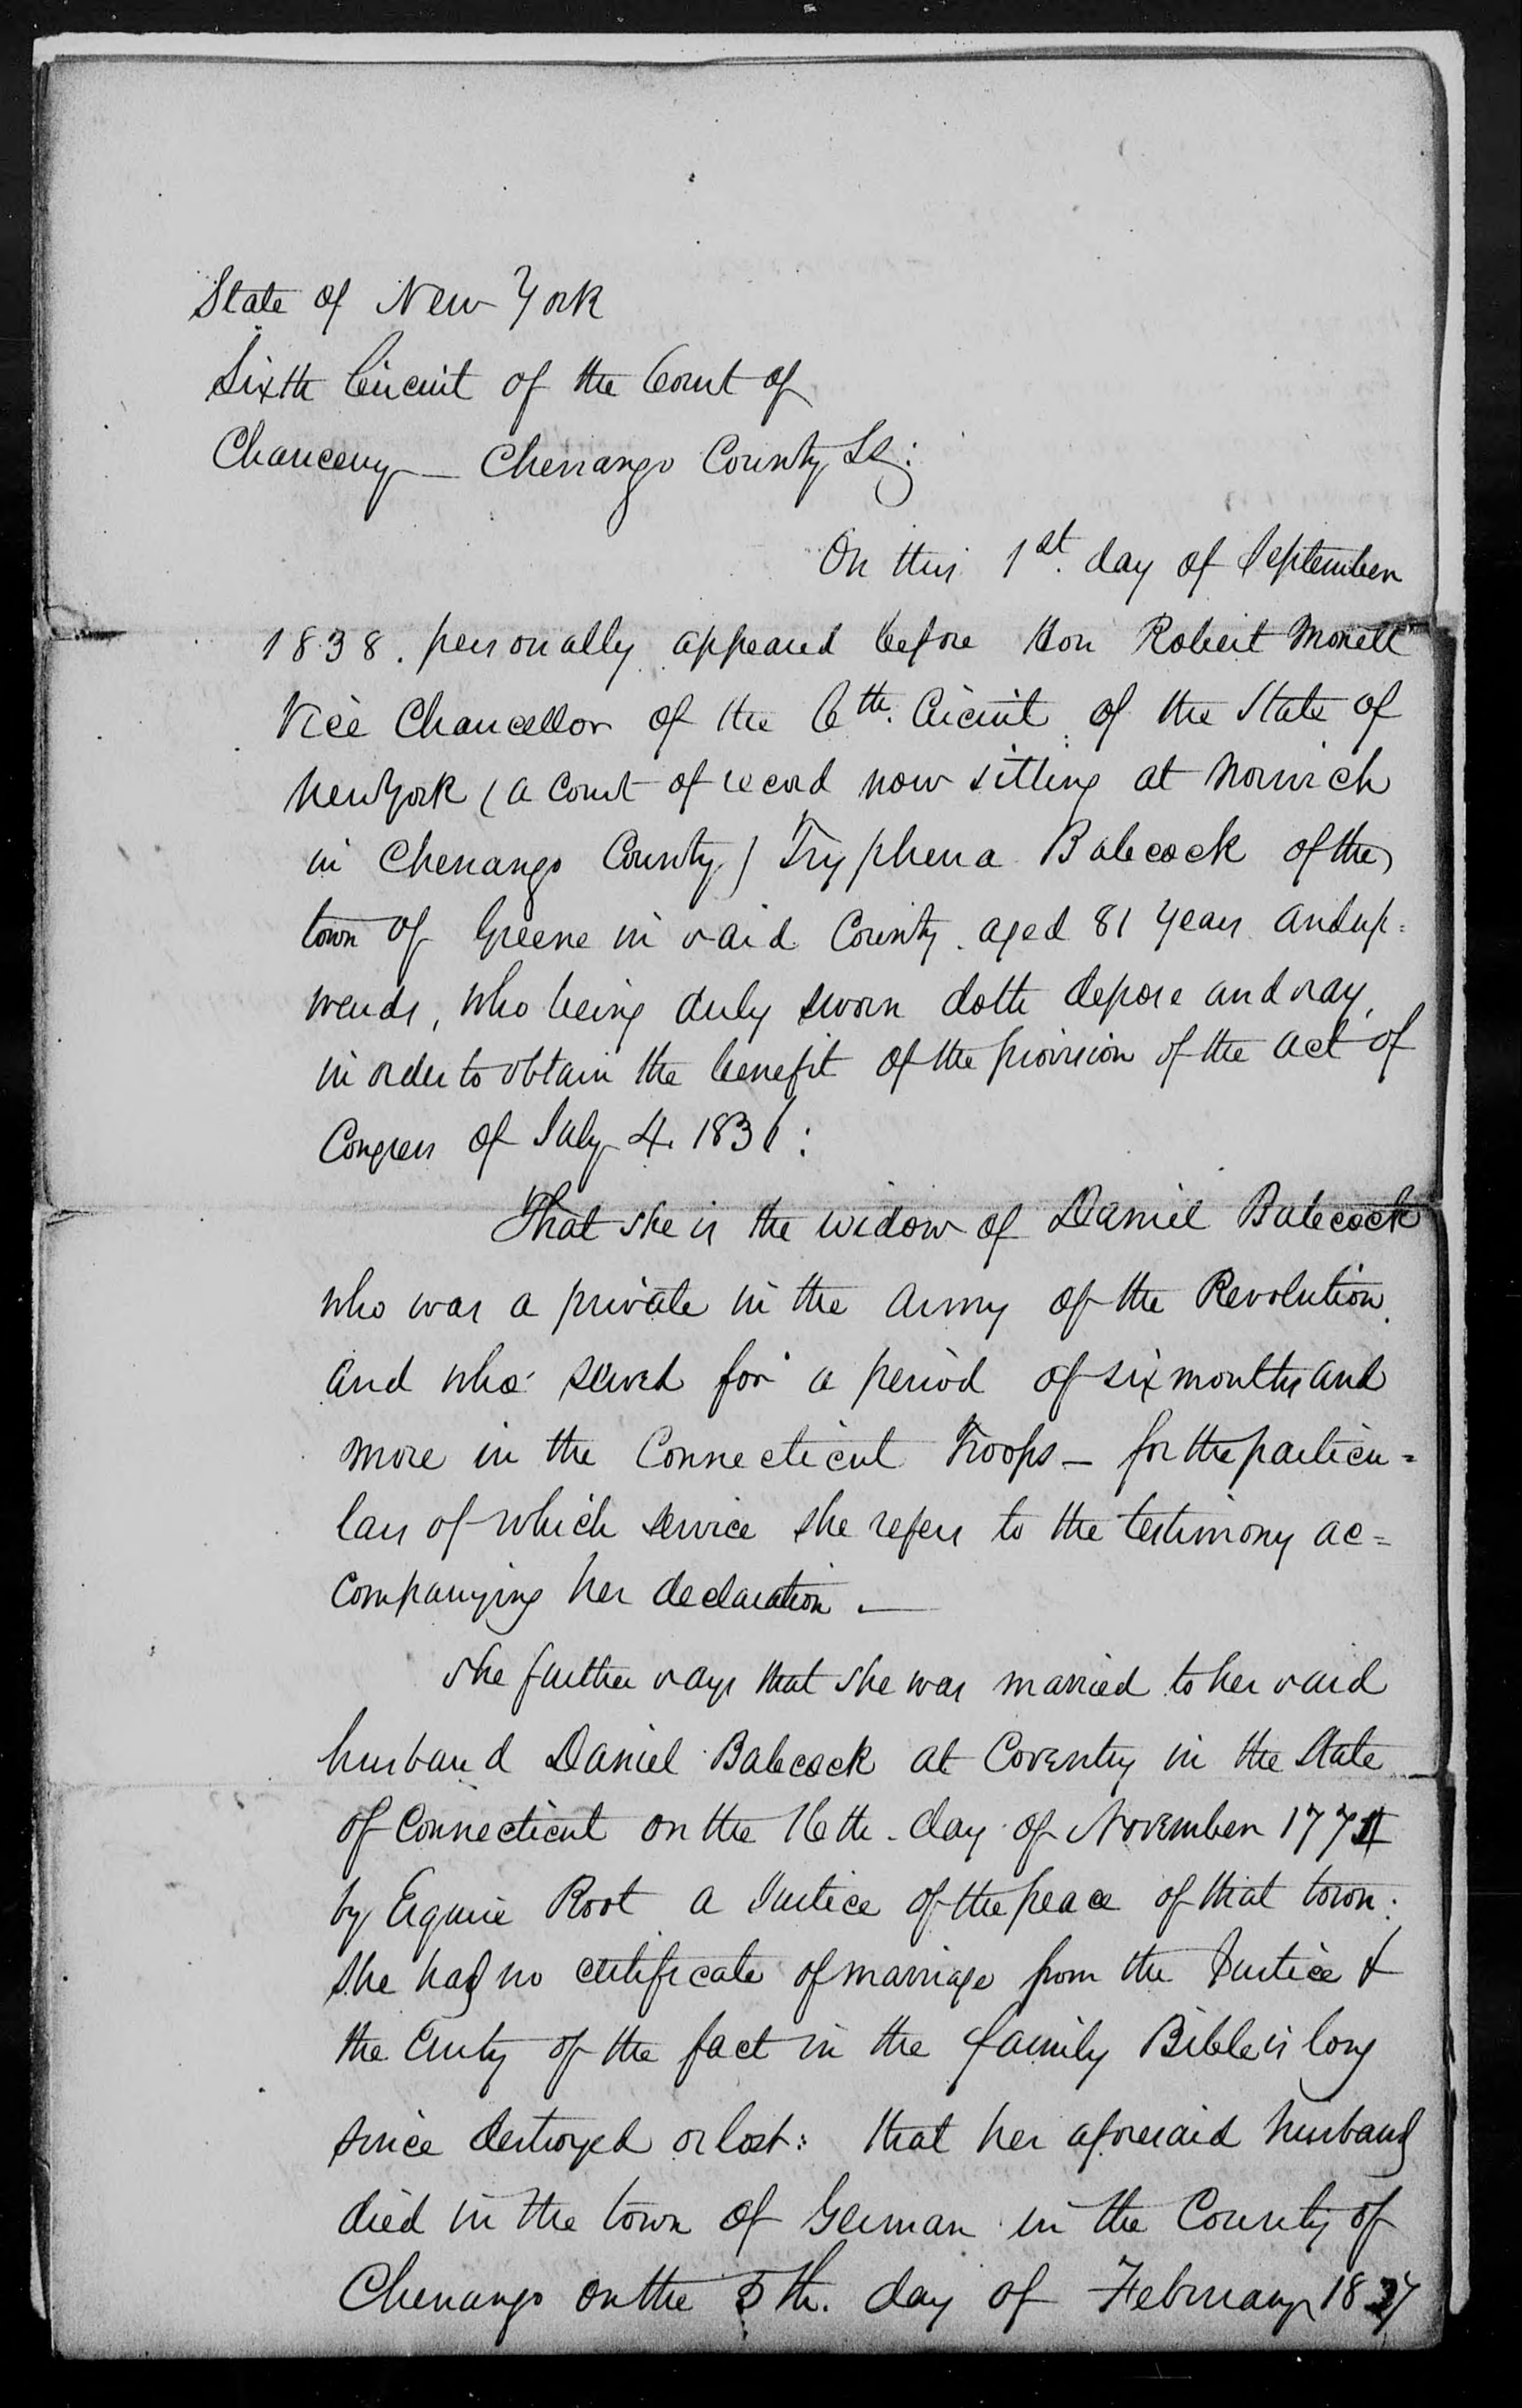State of New York 
Sixth Circuit of the Court of Chancery Chenango County SS: 
On this 1st day of September 38. personally appeared before Hon Robert Monell Chancellor of the 6th Circuit of the State of New York (a Court of record now sitting at Norwich in Chenango County) Tryphena Babcock of the town of Greene in said County aged 81 years and upwards, who being duly sworn doth depose and say in order to obtain the benefit of the provision of the act of Congress of July 4, 1836.  
That she is the widow of Daniel Batecock who was a private in the Army of the Revolution and who served for a period of six months and more in the Connecticut troops,  for the particulars of which service she refers to the testimony accompanying her declaration.  
She further says that she was married to her said husband Daniel Babcock at Coventry in the State of Connecticut on the 16th day of November 1774 by Esquire Root a Justice of the peace of that town she had no certificate of Marriage from the Justice & the certy of the fact in the family Bible is long since destroyed or lost: that her aforesaid husband died in the town of German in the County of Chenango on the 5th day of February 1827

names: Daniel Babcock, Daniel Babcock, Tryphena Babcock, Robert Morell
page: 6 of 10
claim: rejected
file: R. 345, Daniel Babcock, Conn.